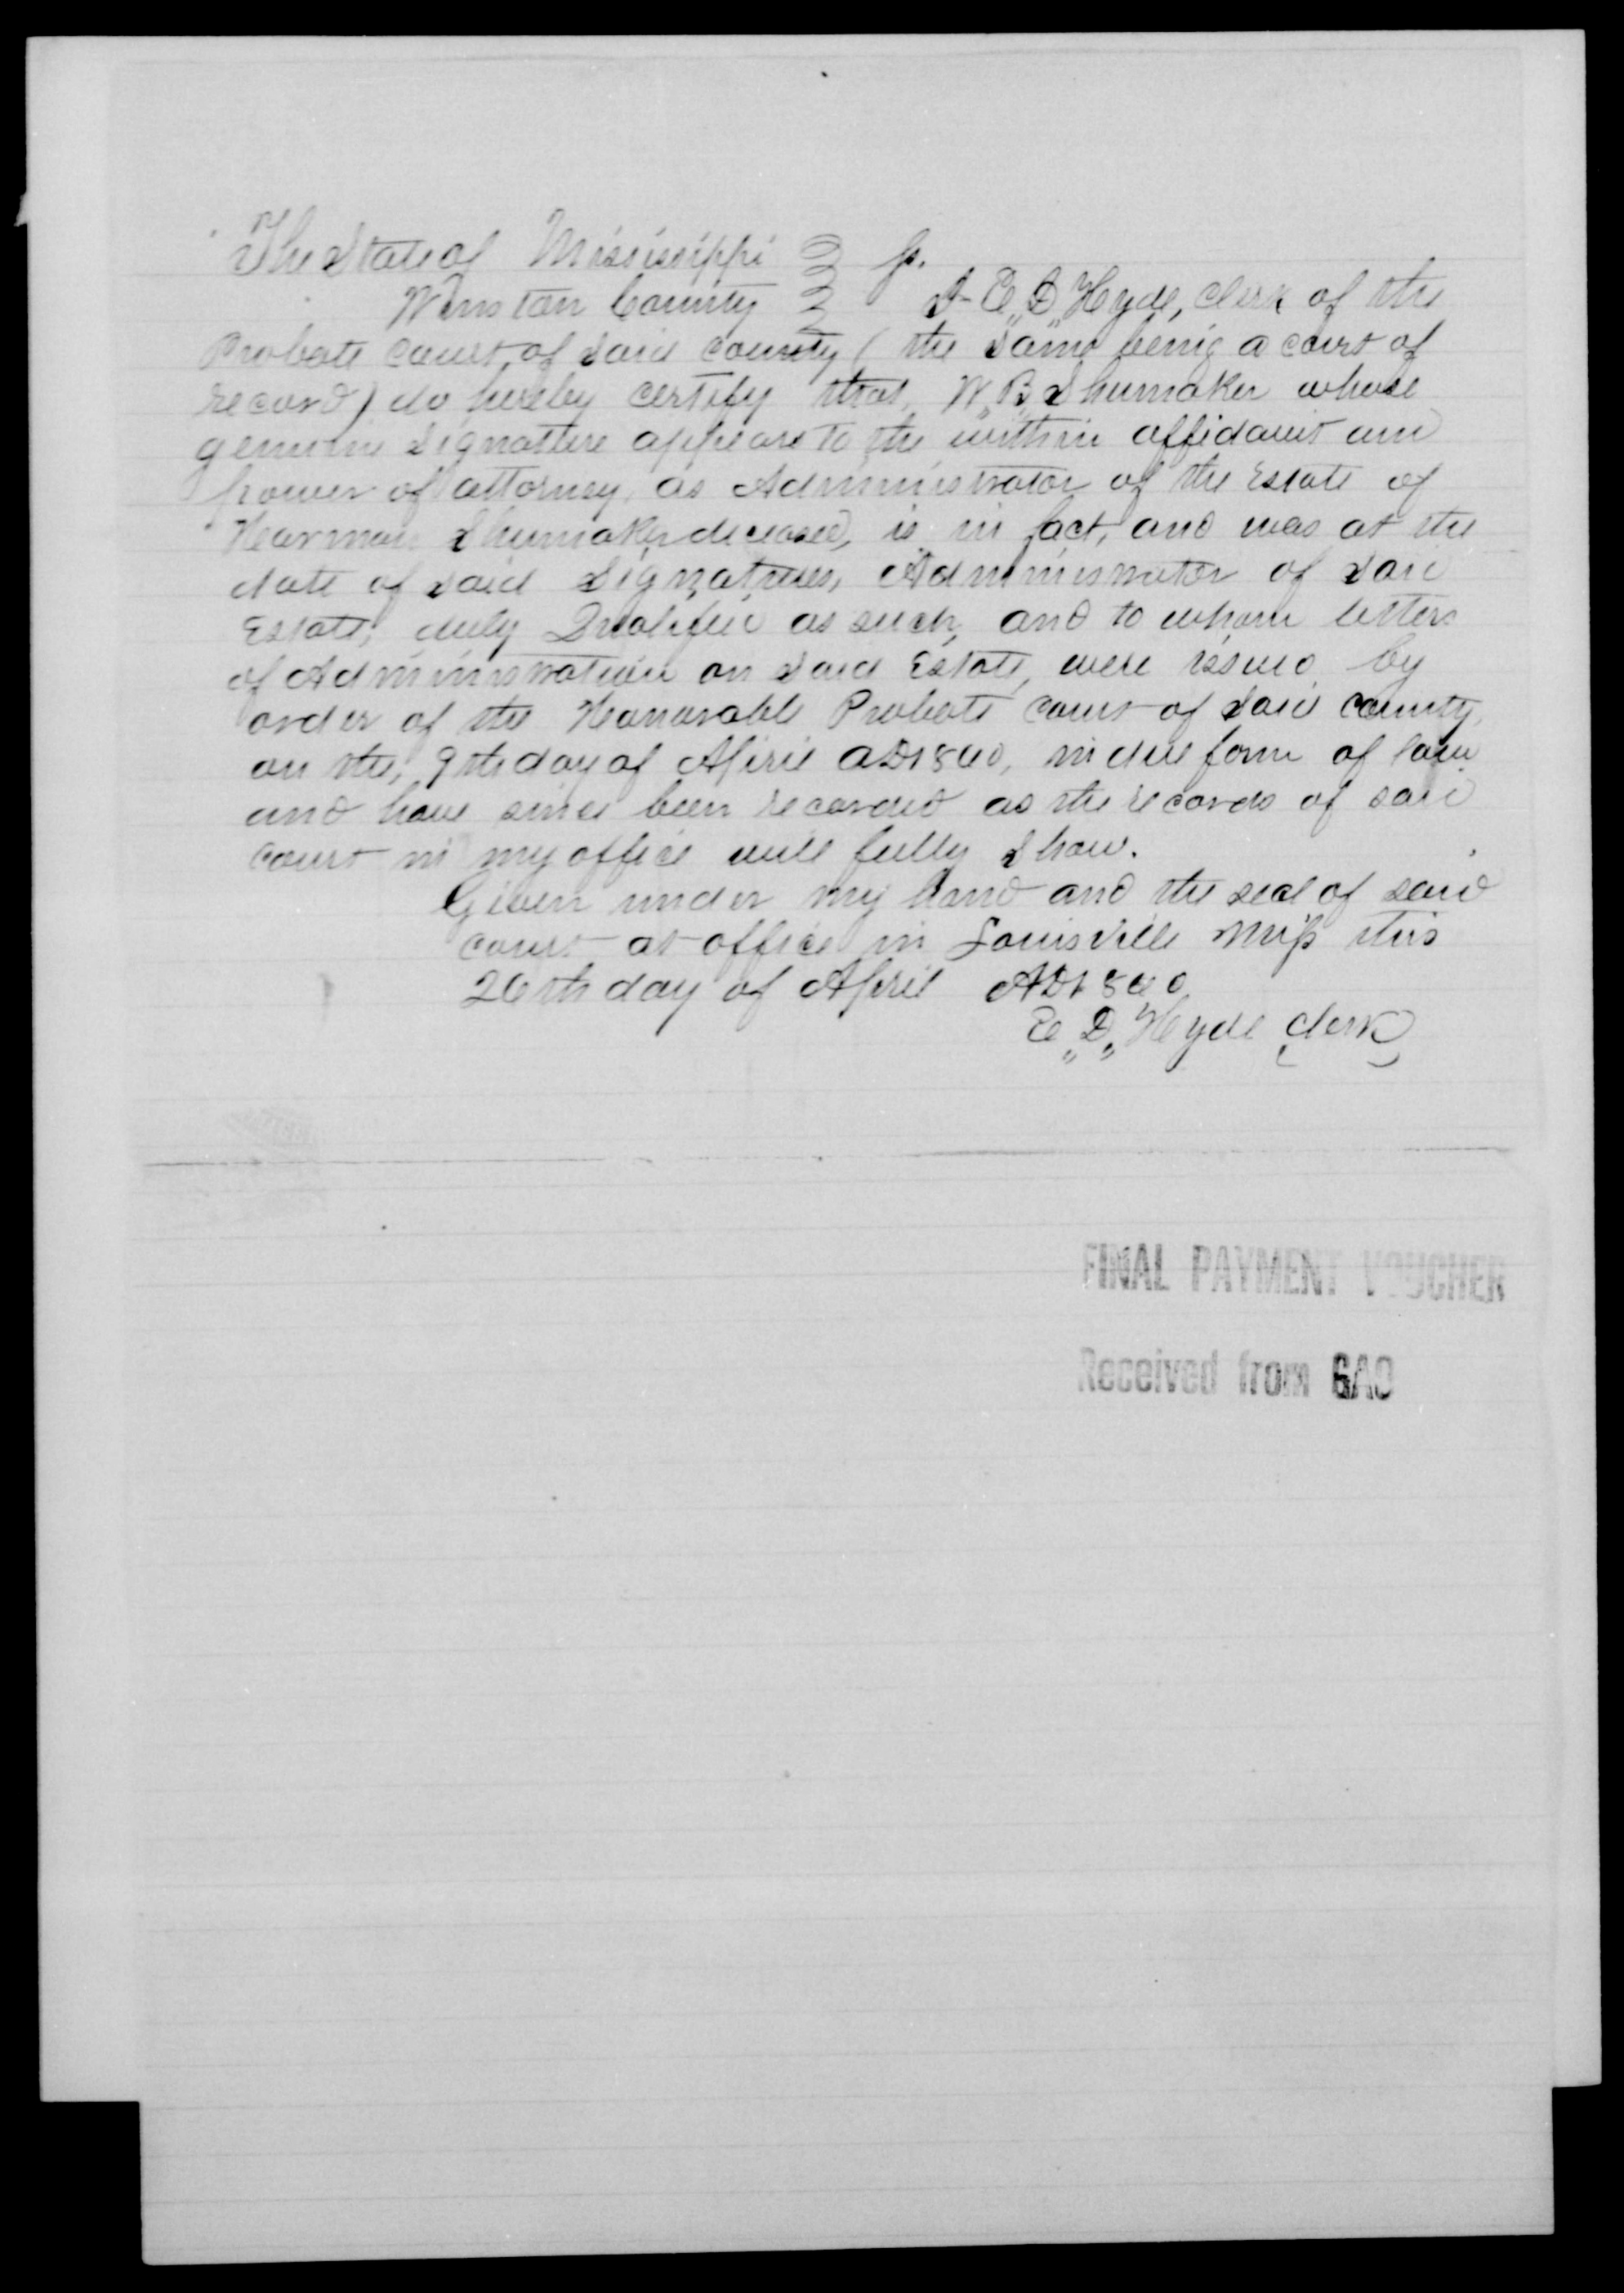The State of Mississippi
Winston County ss.
I E. D. Hyde, Clerk of the
Probate Court of said County (the same being a court of
record) do hereby certify that W. B. Shumaker whose
genuine signature appears to the within affidavit and
power of attorney, as Administrator of the Estate of
Harmon Shumaker deceased, is in fact, and was at the
date of said Signatures, Administrator of said
Estate, duly qualified as such, and to whom letters
of Administration on said Estate, were issued by
order of the Honorable Probate Court of said County,
on the 9th day of April AD 1860, in due form of law
and have since been recorded as the records of said
Court in my office will fully show.
Given under my hand and the seal of said
Court at office in Louisville Miss this
26th day of April AD 1860
E. D. Hyde Clerk

FINAL PAYMENT VOUCHER
Received from GAO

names: E D Hyde; Harman Shumaker; E D Hyde; W B Shumaker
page: 4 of 20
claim: survivor's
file: S. 32512, for Harmon Shumaker, Maryland